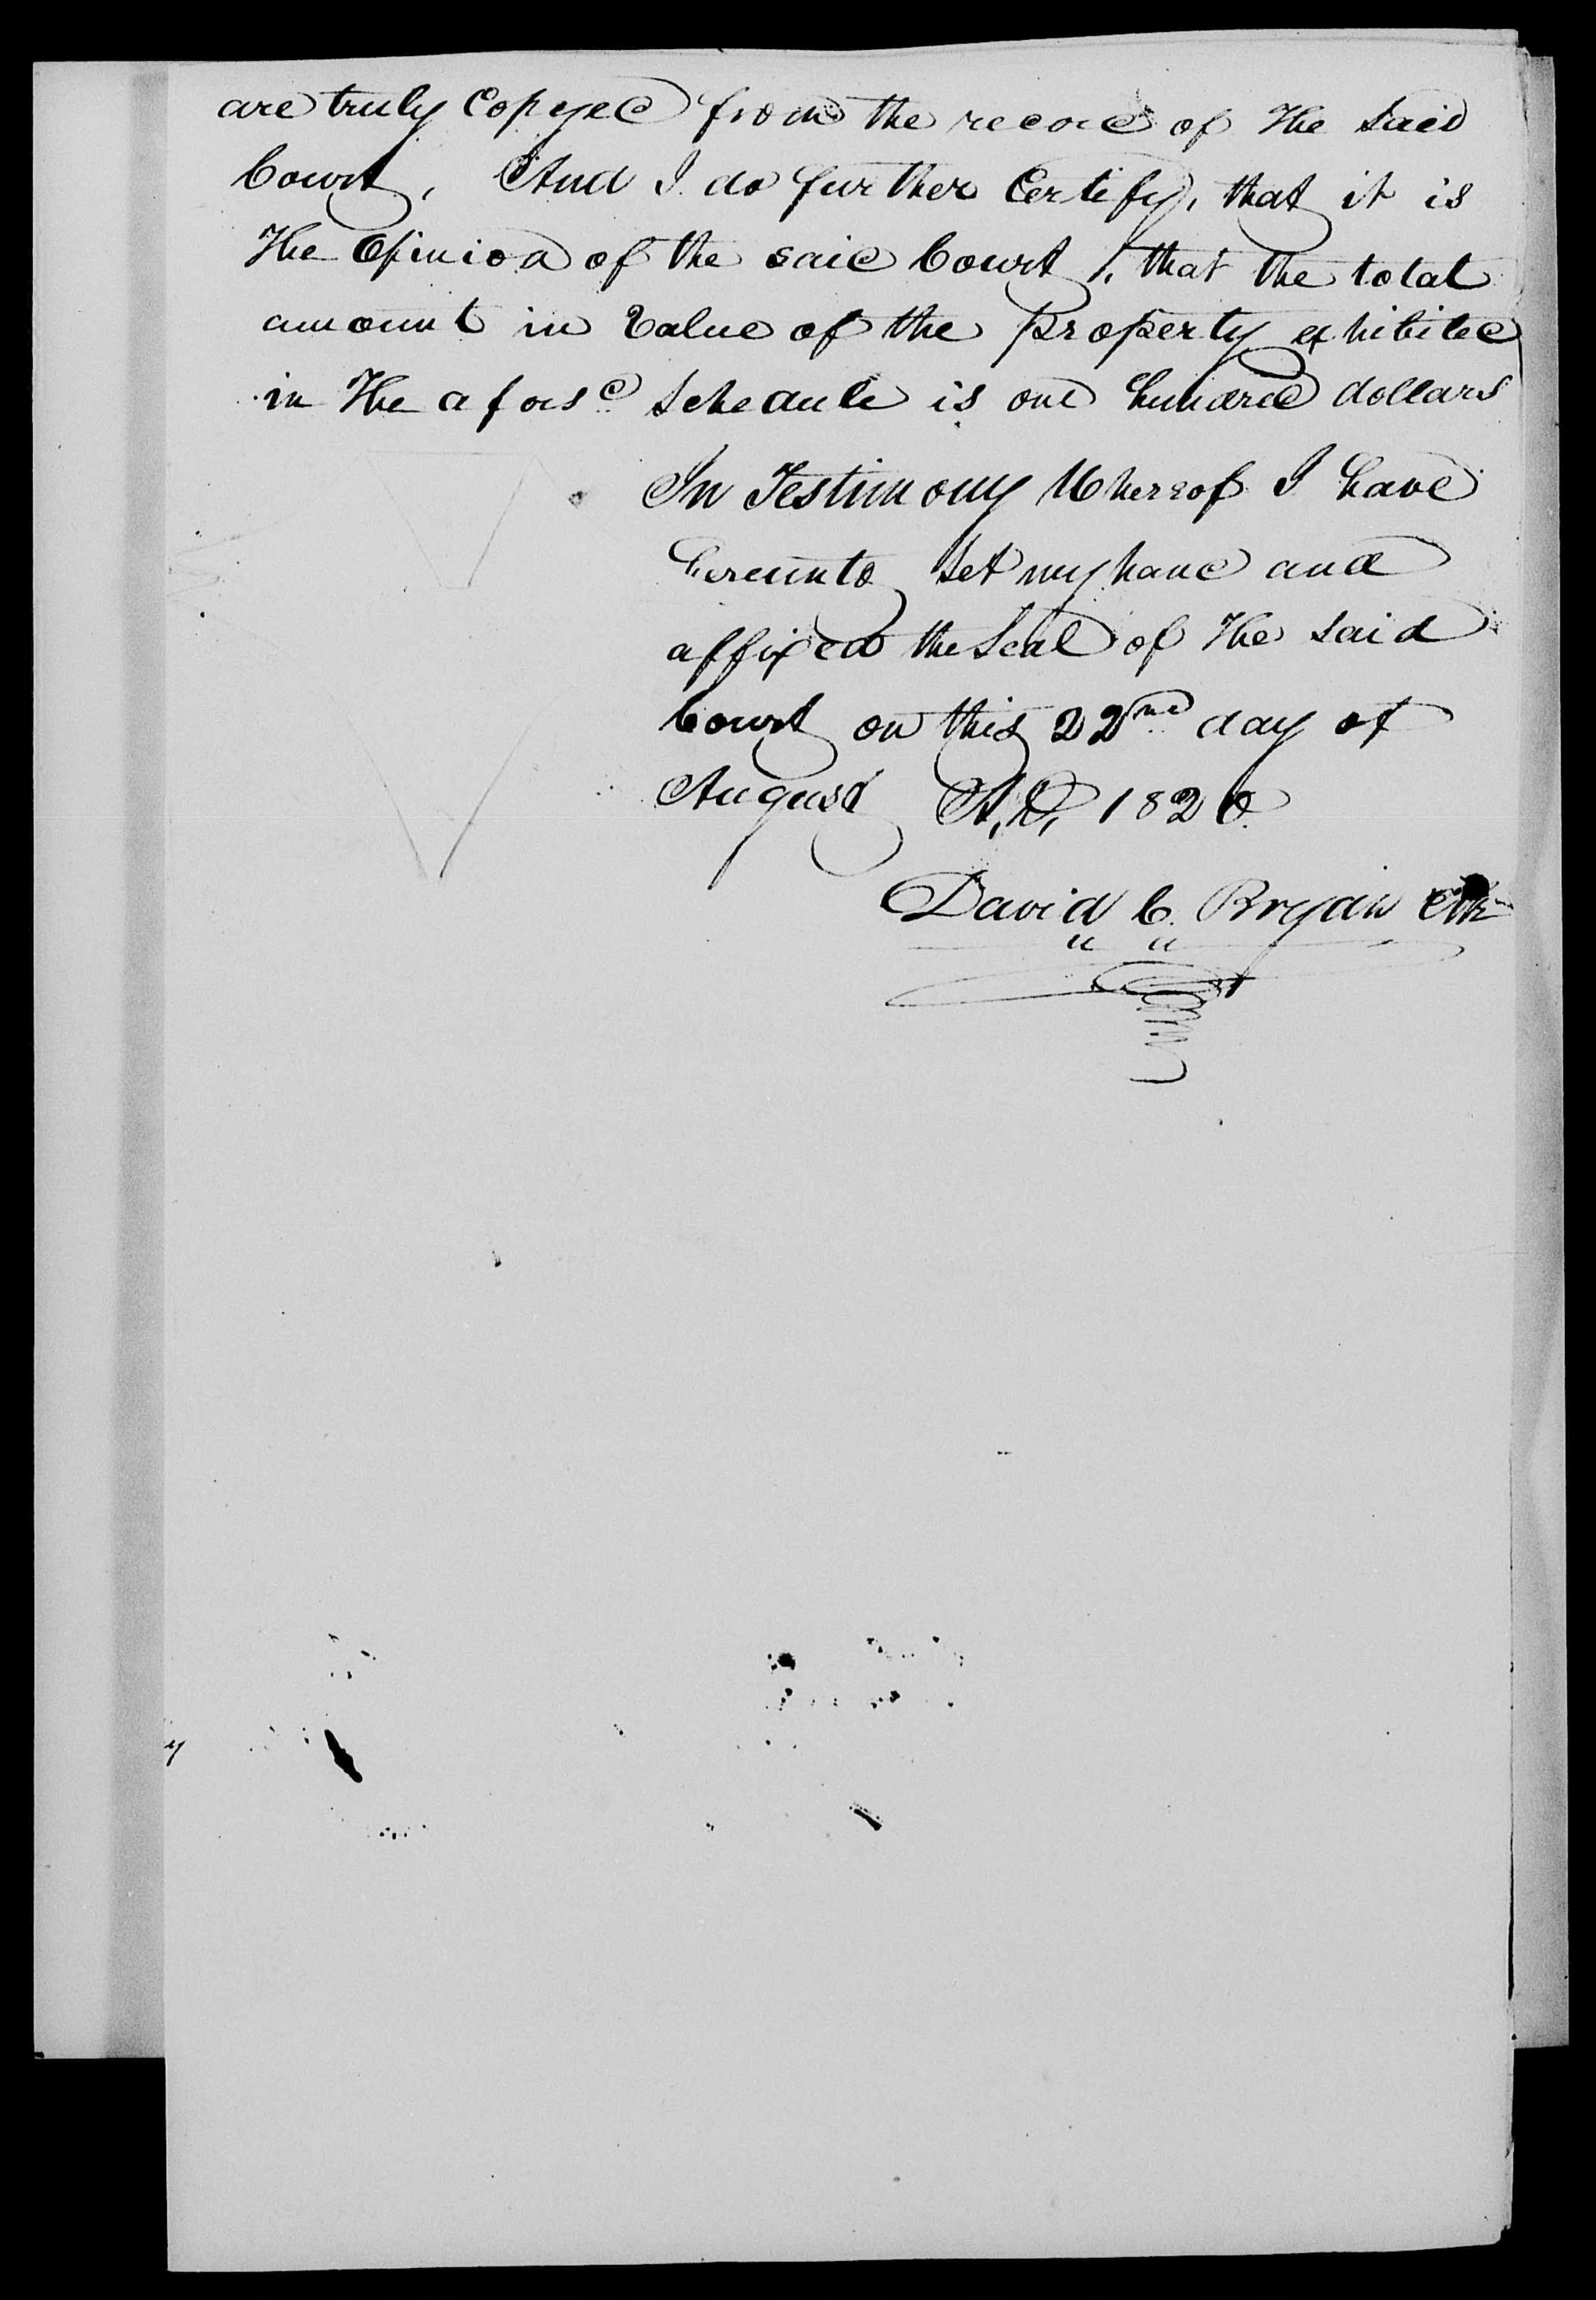are truly copyed from the record of the said
Court.  And I do further certify, that it is
The opinion of the said Court that the total
amount in value of the property exhibited
in the aforsd Schedule is one hundred dollars

In Testimony whereof I have
hereunto set my hand and
affixed the Seal of the said
Court on this 22nd day of
August A.D. 1820

David C. Bryan Clk  /s/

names: David C Bryan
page: 8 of 57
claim: widow's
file: W. 25,739, for James Murphey, Pennsylvania